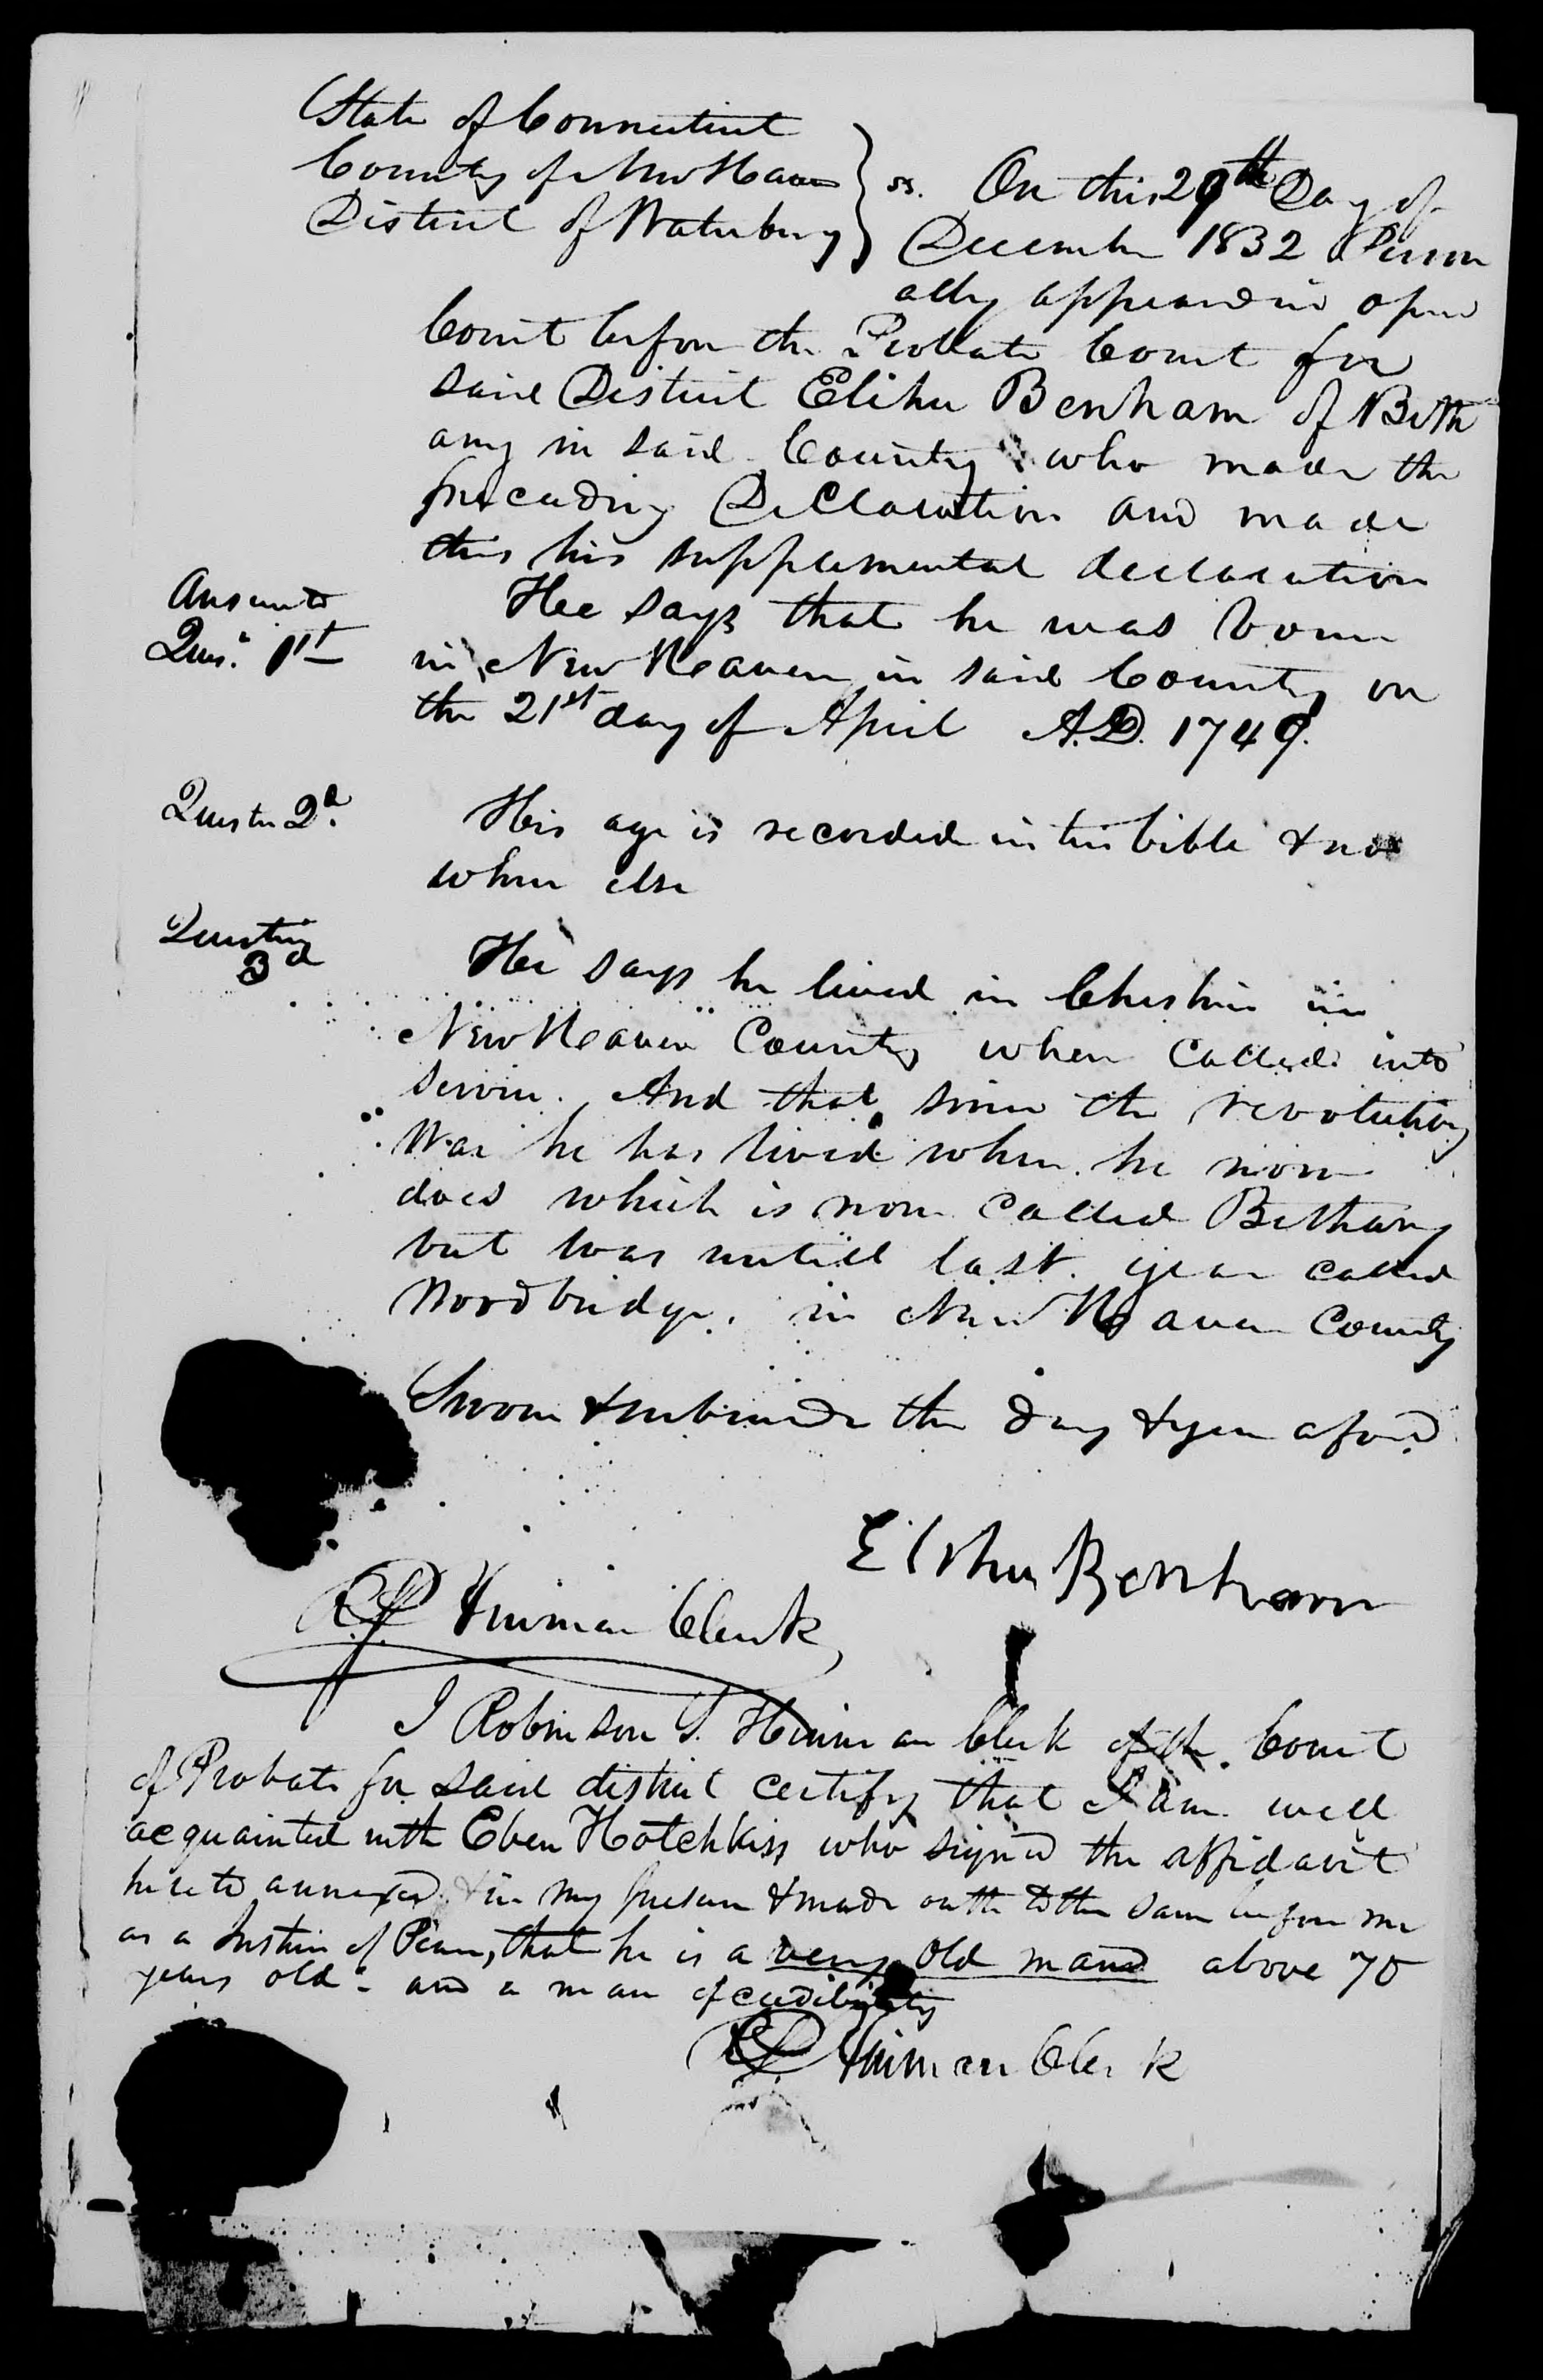State of Connecticut
 County of New Haven
 District of Waterbury } SS
On this 29th day of December 1832 Personally appeared in open Court before the Probate Court for said District Elihu Benham of Bethany in said County who made the preceding declaration and made this his supplemental declaration
Answer to question 1st
He says that he was born in New Haven in said County on the 21st day of April A.D. 1749. 
question 2nd
His age is recorded in his bible & nowhere else 
question 3rd
 He says he lived in Cheshire in New Haven County when called into service. And that in the revolutionary War he has lived where he now does which is now called Bethany but was until last year called Woodbridge in New Haven County 
Sworn [illegible] the day & year afore 
Elihu Benham [signature]
R.S. Hinman Clerk
 I Robinson J. Harman Clerk of Court of Probate for said district certify that I am well acquainted with Eben Hotchkiss who signed the affidavit hereto annexed in my presen & made oath to the same before me as a Justice of Peace, that he is a very old man above 70 years old and a man of credibility R.S. Hinman Clerk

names: Elihu Benham, R S Hinman, R S Hinman, Elihu Benham, Eben Hotchkiss, Robinson S Hinman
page: 10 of 45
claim: survivor's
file: S. 15748, Elihu Benham, Conn.